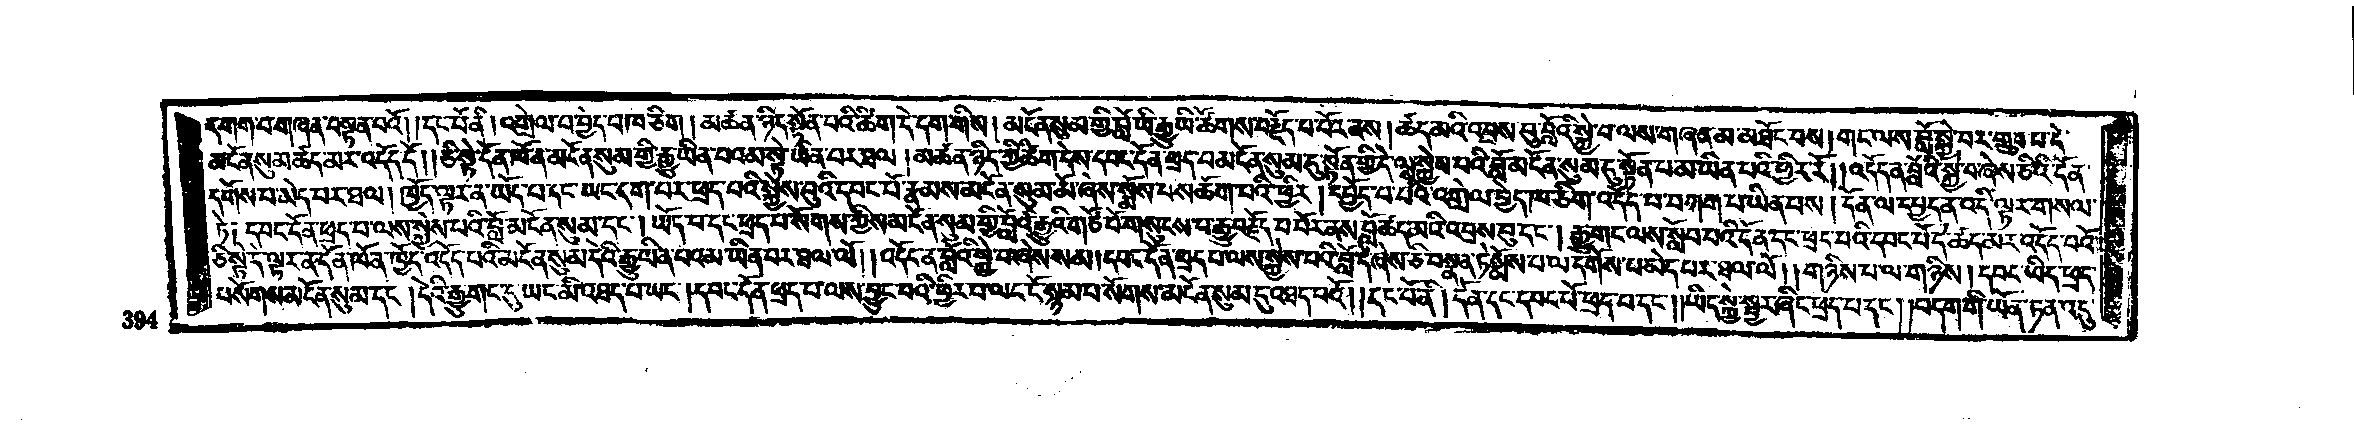དགག་པ་གཞན་བསྟན་པའོ། །དང་པོ་ནི། འགྲེལ་པ་བྱེད་པ་ཁ་ཅིག ། མཚན་ཉིད་སྟོན་པའི་ཚིག་དེ་དག་གིས། མངོན་སུམ་གྱི་བློ་ཡི་རྒྱུ་ཡི་ཚོགས་བརྗོད་པ་པོར་ནས། ཚད་མའི་འབྲས་བུ་བློའི་སྐྱེ་བ་ལས་གཞན་མ་མཐོང་བས། གང་ལས་བློ་སྐྱེ་བར་གྲུབ་པ་དེ་
མངོན་སུ་མཚན་མར་འདོད་དོ། །ཅི་སྟེ་དོན་ཁོ་ན་མངོན་སུམ་གྱི་རྒྱུ་ཡིན་པའམ་སྟེ་ཡིན་པར་ཐལ། མཚན་ཉིད་ཀྱི་ཚིག་དེས་དབང་དོན་ཕྲད་པ་མངོན་སུམ་དུ་སྟོན་གྱི་དེ་ལས་སྐྱེས་པའི་བློ་མངོན་སུམ་སྟོན་པ་མ་ཡིན་པའི་ཕྱིར་རོ། །འདོད་ཨ་བློའི་སྐྱེ་བ་ཞེས་ཅིའི་དོན་
དགོས་པ་མེད་པར་ཐལ། ཁྱོད་ལྟར་ན་ཡོད་པ་དང་ཡང་དག་པར་ཕྲད་པའི་སྐྱེས་བུའི་དབང་པོ་རྣམས་མངོན་སུམ་མོ་ཞེས་སྨོས་པས་ཆོག་པའི་ཕྱིར། དཔྱོད་པ་པའི་འགྲེལ་བྱེད་ཁ་ཅིག་འདོད་པ་བཀག་པ་ཡིན་པས། དོན་ལ་དཔྱད་ན་འདི་ལྟར་གསལ་
ཏེ༑ དབང་དོན་ཕྲད་པ་ལས་སྐྱེས་པའི་བློ་མངོན་སུམ་དང་། ཡོད་པ་དང་ཕྲད་པ་སོགས་ཀྱིས་མངོན་སུམ་གྱི་བློའི་རྒྱུའི་གཙོ་བོ་གསུངས་པ་རྒྱུ་བརྗོད་པ་བོར་ནས་བློ་ཚད་མའི་འབྲས་བུ་དང་། རྒྱུ་གང་ལས་སློབ་པའི་དོན་དང་ཕྲད་པའི་དབང་པོ་དེ་ཚད་མར་འདོད་པའོ་
ཅི་སྟེ་དེ་ལྟར་ན་དོན་ཁོ་ན་ཁྱོད་འདོད་པའི་མངོན་སུམ་དེའི་རྒྱུ་ཡིན་པའམ་ཡིན་པར་ཐལ་ལོ། །འདོད་ན་བློའི་སྐྱེ་བ་ཞེས་སམ། དབང་དོན་ཕྲད་པ་ལས་སྐྱེས་པའི་བློ་དེ་ཞེས་ཅི་བསྣན་ཏེ་སྨོས་པ་ལ་དགོས་པ་མེད་པར་ཐལ་ལོ། །གཉིས་པ་ལ་གཉིས། དབང་ཡིད་ཕྲད་
པ་སོགས་མངོན་སུམ་དང་། དེའི་རྒྱུ་གང་དུ་ཡང་མི་འཐད་པ་ཡང་། དབང་དོན་ཕྲད་པ་ལས་བྱུང་བའི་ཕྱིར་བ་ལང་ངོ་སྙམ་པ་སོགས་མངོན་སུམ་དུ་འཐད་པའོ། །དང་པོ་ནི། དོན་དང་དབང་པོ་ཕྲད་པ་དང་། །ཡིད་སྐྱེ་སྦྱར་ཞིང་ཕྲད་པ་དང་། །བདག་གི་ཡོན་ཏན་འདུ་